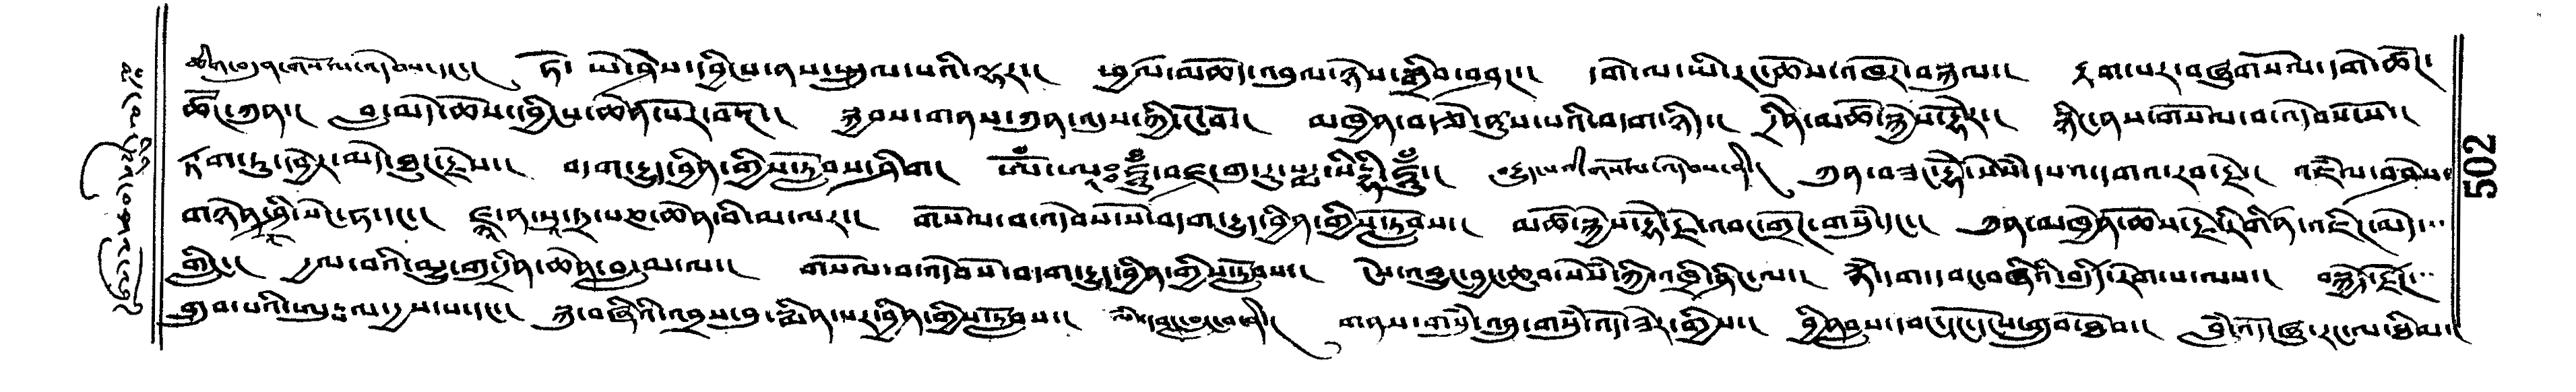ཚིག་བདུན་གསོལ་འདེབས་དང་། ཧོ། ཡེ་ཤེས་དབྱིངས་ནས་སྤྲུལ་པའི་ལྷར། །ཕྱག་འཚལ་མཆོད་འབུལ་ཉེས་སྒྲིབ་བཤགས། །དགེ་ལ་ཡི་རང་ཆོས་འཁོར་བསྐུལ། །རྟག་པར་བཞུགས་གསོལ་དགེ་ཚོགས་
ཚོགས་ཀུན། །བླ་མེད་ཆོས་དབྱིངས་ཆེན་པོར་བསྔོ། །སྐྱབས་གནས་ཀུན་འདུས་ཀྱི་ངོ་བོ། །མཁྱེན་བརྩེ་ནུས་པའི་བདག་ཉིད། །དྲིན་ཆེན་མཚོ་སྐྱེས་རྡོ་རྗེར། །སྙིང་ནས་གསོལ་བ་འདེབས་སོ། །
རྟག་ཏུ་དབྱེར་མེད་ཐུགས་རྗེས། །བདག་རྒྱུད་བྱིན་གྱིས་རློབས་ཤིགཨོཾ་ཨཱཿཧཱུྃ་བཛྲ་གུ་རུ་པདྨ་སིདྡྷི་ཧཱུྃ། བརྒྱུད་པའི་གསོལ་འདེབས་ནི། ཀུན་བཟང་རྡོ་རྗེ་སེམས་དཔའ་དགའ་རབ་རྗེ། །འཇམ་བཤེས་
གཉེན་ཤྲཱི་སེང་ཧ་དང་། །ཛྙཱ་ན་སཱུ་ཏྲ་པཎ་ཆེན་བཱི་མ་ལར། །གསོལ་བ་འདེབས་སོ་བདག་རྒྱུད་བྱིན་གྱིས་རློབས། །མཚོ་སྐྱེས་རྡོ་རྗེ་རྗེ་འབངས་གྲོགས་གསུམ་དང་། །ཀུན་མཁྱེན་ཆོས་རྗེ་རིག་འཛིན་འཇིགས་མེད་
གླིང་། །རྒྱལ་བའི་མྱུ་གུ་དྲིན་ཆེན་བླ་མ་ལ། །གསོལ་བ་འདེབས་སོ་བདག་རྒྱུད་བྱིན་གྱིས་རློབས། །ངེས་འབྱུང་བྱང་ཆུབ་སེམས་ཀྱི་འཁྲི་ཤིང་ལ། །རྣམ་དག་དབང་བཞིའི་བདུད་རྩི་རེག་པ་ལས། །བསྐྱེད་རྫོགས་
གྲུབ་པའི་ཨུཏྤལ་རྒྱས་པ་དང་། །སྐུ་བཞིའི་འབྲས་བུ་སྨིན་པར་བྱིན་གྱིས་རློབས། ཞེས་དབང་བླང་བ་ནི། གནས་གསུམ་འབྲུ་གསུམ་འོད་ཟེར་གྱིས། །བྱིན་རླབས་དབང་དང་དངོས་གྲུབ་ཐོབ། །བླ་མ་འོད་ཞུ་རང་ལ་ཐིམ།